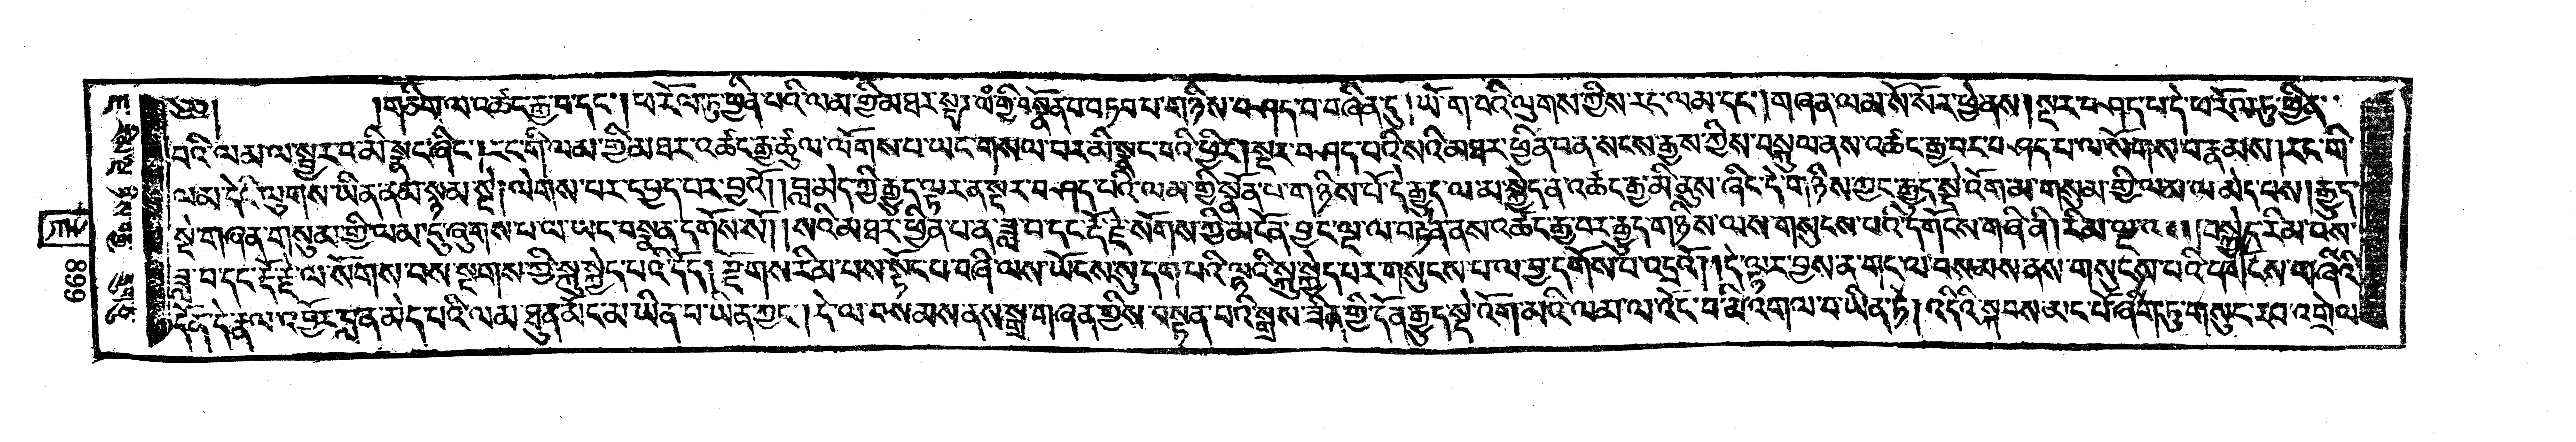༄༅། །གཅིག་ལ་འཚང་རྒྱ་བ་དང་། ཕ་རོལ་ཏུ་ཕྱིན་པའི་ལམ་གྱི་མཐར་སྔགས་ལམ་གྱི་བསྣོན་པ་བཏབ་པ་གཉིས་བཤད་པ་བཞིན་དུ། ཡོ་ག་བའི་ལུགས་ཀྱིས་རང་ལམ་དང་། གཞན་ལམ་སོ་སོར་ཕྱེ་ནས། སྔར་བཤད་པ་དེ་ཕ་རོལ་ཏུ་ཕྱིན་
པའི་ལམ་ལ་སྦྱར་བ་མི་སྣང་ཞིང་། རང་གི་ལམ་གྱི་མཐར་འཚང་རྒྱ་ཚུལ་ལོགས་པ་ཡང་གསལ་བར་མི་སྣང་བའི་ཕྱིར། སྔར་བཤད་པའི་སའི་མཐར་ཕྱིན་པ་ན་སངས་རྒྱས་ཀྱིས་བསྐུལ་ནས་འཚང་རྒྱ་བར་བཤད་པ་ལ་སོགས་པ་རྣམས། རང་གི་
ལམ་དེའི་ལུགས་ཡིན་ཉམ་སྟེ། ལེགས་པར་དཔྱད་པར་བྱའོ། །བླ་མེད་ཀྱི་རྒྱུད་ལྟར་ན་སྔར་བཤད་པའི་ལམ་གྱི་སྣོན་པ་གཉིས་པོ་དེ་རྒྱུད་ལ་མ་སྐྱེད་ན་འཚང་རྒྱ་མི་ནུས་ཤིང་དེ་གཉིས་ཀྱང་རྒྱུད་སྡེ་འོག་མ་གསུམ་གྱི་ལམ་ལ་མེད་པས། རྒྱུད་
སྡེ་གཞན་གསུམ་གྱི་ལམ་དུ་ཞུགས་པ་ལ་ཡང་བསྣན་དགོས་སོ། །སའི་མཐར་ཕྱིན་པ་ན་ཟླ་བ་དང་རྡོ་རྗེ་སོགས་ཀྱི་མངོན་བྱང་ལྔ་ལ་བརྟེན་ནས་འཚང་རྒྱ་བར་རྒྱུད་གཉིས་ལས་གསུངས་པའི་དགོངས་གཞི་ནི། རིམ་ལྔ་ལས། བསྐྱེད་རིམ་པས་
ཟླ་བ་དང་རྡོ་རྗེ་ལ་སོགས་པས་སྔགས་ཀྱི་སྐུ་སྐྱེད་པའི་དོད། རྫོགས་རིམ་པས་སྟོང་པ་བཞི་ལས་ཡོངས་སུ་དག་པའི་ལྷའི་སྐུ་སྐྱེད་པར་གསུངས་པ་ལ་བྱ་དགོས་པ་འདྲའོ། །དེ་ལྟར་བྱས་ན་གང་ལ་བསམས་ནས་གསུངས་བའི་དགོངས་གཞིའི་
དོན་དེ་རྣལ་འབྱོར་བླ་ན་མེད་པའི་ལམ་ཐུན་མོང་མ་ཡིན་པ་ཡིན་ཀྱང་། དེ་ལ་བསམས་ནས་སྒྲ་གཞན་གྱིས་བསྟན་པའི་སྒྲས་ཟིན་གྱི་དོན་རྒྱུད་སྡེ་འོག་མའི་ལམ་ལ་འོང་བ་མི་འགལ་བ་ཡིན་ཏེ། འདིའི་སྐབས་མང་པོ་ཞིག་ཏུ་གསུང་རབ་འགྲེལ་